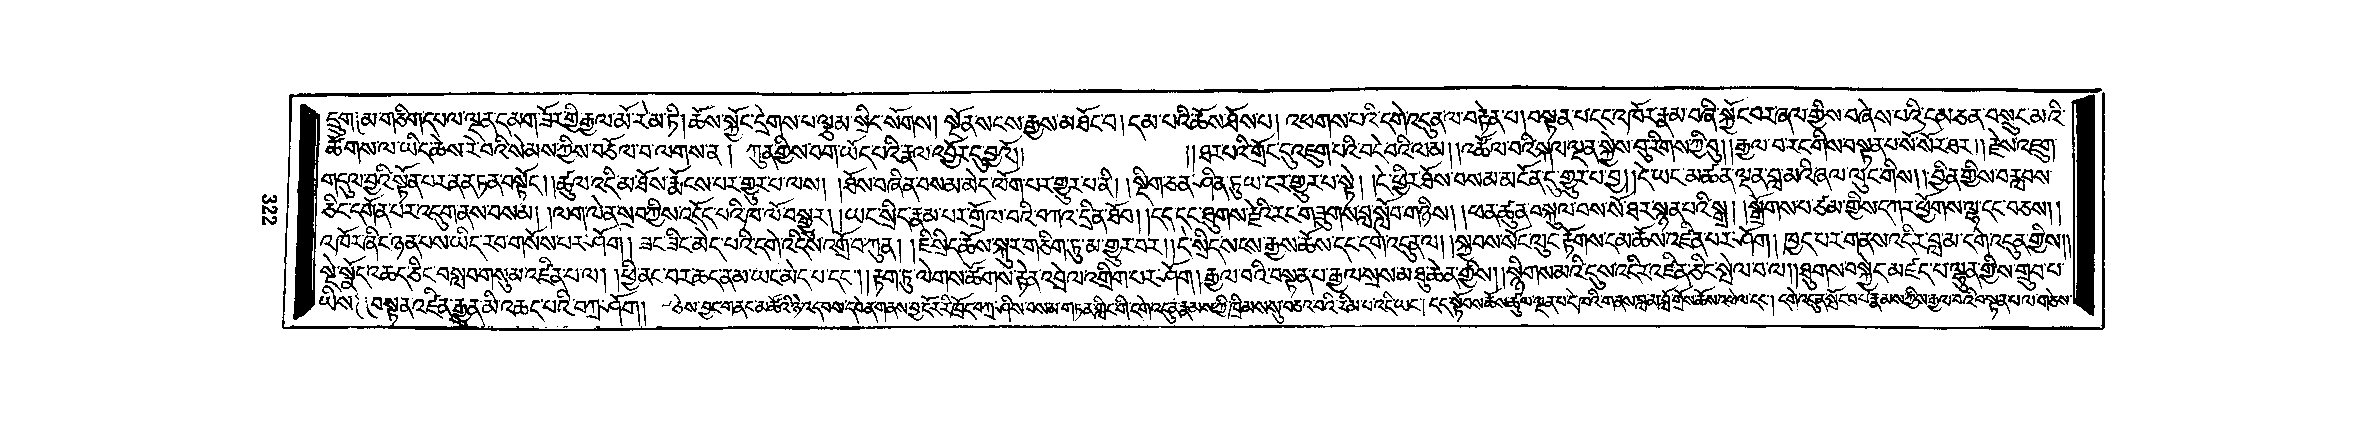དྲུག །མ་གཅིག་དཔལ་ལྡན་དམག་ཟོར་གྱི་རྒྱལ་མོ་རེ་མ་ཏི། ཆོས་སྐྱོང་དྲེགས་པ་ལྕམ་སྲིང་སོགས། སྔོན་སངས་རྒྱས་མཐོང་བ། དམ་པའི་ཆོས་ཐོས་པ། འཕགས་པའི་དགེ་འདུན་ལ་བརྟེན་པ། བསྟན་པ་དང་འཁོར་རྣམ་བཞི་སྐྱོང་བར་ཞལ་གྱིས་བཞེས་པའི་དམ་ཅན་བསྲུང་མའི་
ཚོགས་ལ་ཡིད་ཆེས་རེ་བའི་སེམས་ཀྱིས་བཅོལ་བ་ལགས་ན། ཀུན་གྱིས་བག་ཡོད་པའི་རྣལ་འབྱོར་དུ་བྱའོ།། །།ཐར་པའི་གྲོང་དུ་འཇུག་པའི་བདེ་བའི་ལམ། །འཚོལ་བའི་སྐལ་ལྡན་སྐྱེས་བུ་རིགས་ཀྱི་བུ། །རྒྱལ་བ་རང་གིས་བསྟན་པ་སོ་སོར་ཐར། །རྗེས་འཇུག་
གདུལ་བྱའི་སྟོན་པར་ནན་ཏན་བསྟོད། །ཚུལ་འདི་མ་ཐོས་རྨོངས་པར་གྱུར་པ་ལས། །ཐོས་བཞིན་བསམ་མེད་ལོག་པར་གྱུར་པ་ནི། །སྡིག་ཅན་ཤིན་ཏུ་ཡ་ངར་གྱུར་པ་སྟེ། །དེ་ཕྱིར་ཐོས་བསམ་མངོན་དུ་གྱུར་པ་བྱ། །དེ་ཡང་མཚན་ལྡན་བླ་མའི་ཞལ་ལུང་གིས། །བྱིན་གྱིས་བརླབས་
ཅིང་དགོན་པར་འདུག་ནས་བསམ། །ལག་ལེན་སྲབ་ཀྱིས་འདོད་པའི་ཁ་ལོ་བསྒྱུར། །ཡང་སྲིད་རྣམ་པར་གྲོལ་བའི་བཀའ་དྲིན་ཐོབ། །དད་དང་ཐུགས་རྗེའི་རང་གཟུགས་བླ་སློབ་གཉིས། །ཕན་ཚུན་བསྐུལ་བས་སོ་ཐར་སྙན་པའི་སྒྲ། །སྒྲོགས་པ་ཙམ་གྱིས་དཀར་ཕྱོགས་ལྷ་དང་བཅས། །
འཁོར་ཞིང་ཉན་པས་ཡིད་རབ་གསོས་པར་ཤོག །ཟང་ཟིང་མེད་པའི་དགེ་འདིས་འགྲོ་བ་ཀུན། །ཇི་སྲིད་ཆོས་སྐུར་གཅིག་ཏུ་མ་གྱུར་བར། །དེ་སྲིད་སངས་རྒྱས་ཆོས་དང་དགེ་འདུན་ལ། །སྐྱབས་སོང་ལུང་རྟོགས་དམ་ཆོས་འཛིན་པར་ཤོག །ཁྱད་པར་གནས་འདིར་བླ་མ་དགེ་འདུན་གྱིས།།
སྡེ་སྣོད་འཆད་ཅིང་བསླབ་གསུམ་འཛིན་པ་ལ། །ཕྱི་ནང་བར་ཆད་ནམ་ཡང་མེད་པ་དང་། །རྟག་ཏུ་ལེགས་ཚོགས་རྟེན་འབྲེལ་འགྲིག་པར་ཤོག །རྒྱལ་བའི་བསྟན་པ་རྒྱལ་སྲས་མཐུ་ཆེན་གྱིས། །སྙིགས་མའི་དུས་འདིར་འཛིན་ཅིང་སྤེལ་བ་ལ། །ཐུགས་བསྐྱེད་མཛད་པ་ལྷུན་གྱིས་གྲུབ་པ་
ཡིས། །བསྟན་འཛིན་རྒྱུན་མི་འཆད་པའི་བཀྲ་ཤོག །ཅེས་བྱང་གནང་མཚོའི་ཉེ་འདབས་དབེན་གནས་བྱ་ངོར་རི་ཁྲོད་བཀྲ་ཤིས་བསམ་གཏན་གླིང་གི་དགེ་འདུན་རྣམས་ཀྱི་ཁྲིམས་སུ་བཅའ་བའི་རིམ་པ་འདི་ཡང་། ངད་སྟོབས་ཆོས་ཚུལ་ལྡན་པ་དེ་ཁའི་གནས་བླ་མ་བློ་གྲོས་ཆོས་འཕེལ་དང་། དགེ་འདུན་སྤོང་བ་པ་རྣམས་ཀྱིས་རྒྱལ་བའི་བསྟན་པ་ལ་གཅེས་